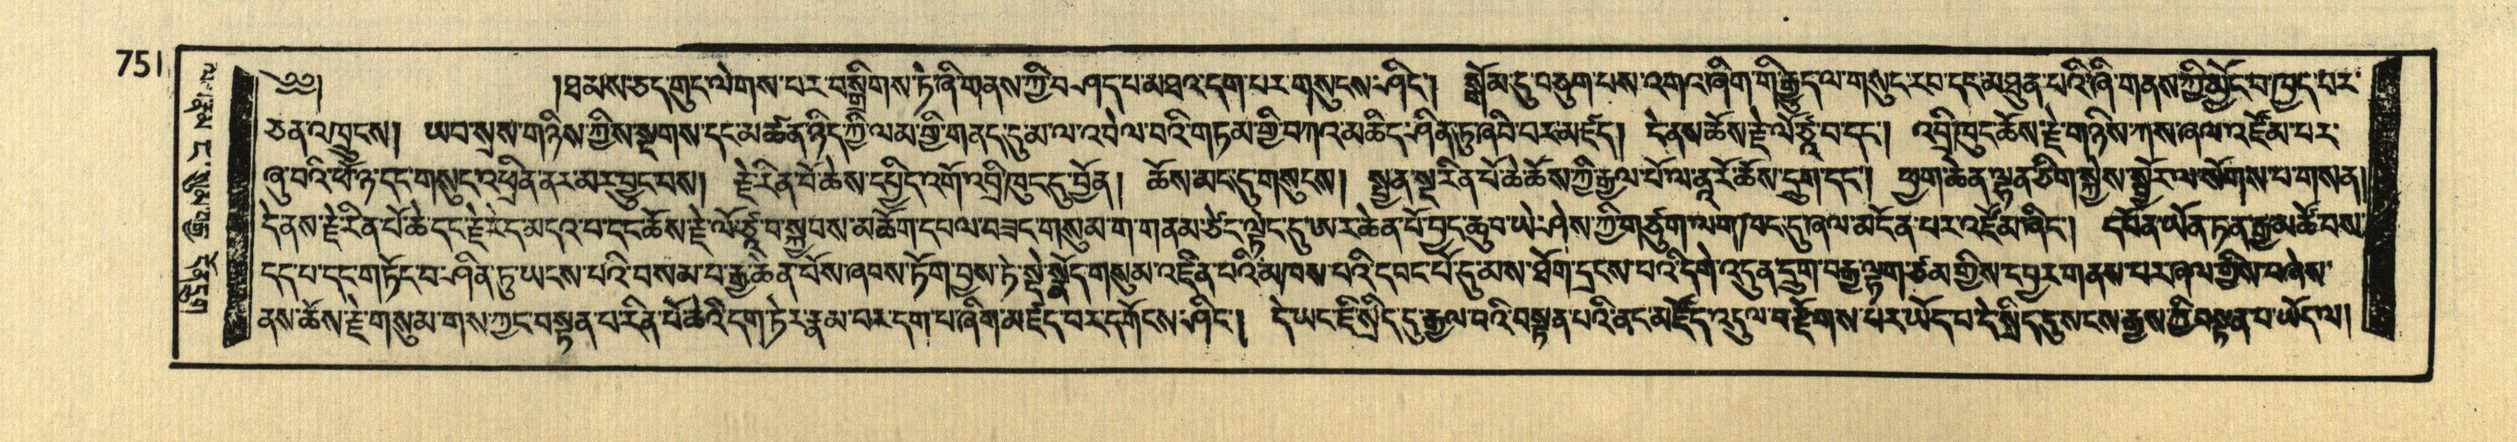༄༅། །ཐམས་ཅད་གུང་ལེགས་པར་བསྒྲིགས་ཏེ་ཞི་གནས་ཀྱི་བཤད་པ་མཐའ་དག་པར་གསུངས་ཤིང་། སྒོམ་དུ་བཅུག་པས་འགའ་ཞིག་གི་རྒྱུད་ལ་གསུང་རབ་དང་མཐུན་པའི་ཞི་གནས་ཀྱི་མྱོང་བ་ཁྱད་པར་
ཅན་འཁྲུངས། ཡབ་སྲས་གཉིས་ཀྱིས་སྔགས་དང་མཚན་ཉིད་ཀྱི་ལམ་གྱི་གནད་དུ་མ་ལ་འབེལ་བའི་གཏམ་གྱི་བཀའ་མཆིད་ཤིན་ཏུ་ཞིབ་བར་མཛད། དེ་ནས་ཆོས་རྗེ་ལོ་ཙཱ་བ་དང་། འབྲི་ཁུང་ཆོས་རྗེ་གཉིས་ཀས་ཞལ་འཛོམ་པར་
ཞུ་བའི་ཕོ་ཉ་དང་གསུང་འཕྲིན་ནར་མར་བྱུང་བས། རྗེ་རིན་བོ་ཆེས་དཔྱིད་འོག་འབྲི་ཁུང་དུ་བྱོན། ཆོས་མང་དུ་གསུངས། སྤྱན་སྔ་རིན་པོ་ཆེ་ཆོས་ཀྱི་རྒྱལ་པོ་ལ་ནཱ་རོ་ཆོས་དྲུག་དང་། ཕྱག་ཆེན་ལྷན་ཅིག་སྐྱེས་སྦྱོར་ལ་སོགས་བ་གསན།
དེ་ནས་རྗེ་རིན་པོ་ཆེ་དང་རྗེ་རེད་མདའ་བ་དང་ཆོས་རྗེ་ལོ་ཙཱ་བ་སྐྱབས་མཆོག་དཔལ་བཟང་གསུམ་ག་གནམ་ཙེང་ལྟེང་དུ་ཨར་ཆེན་པོ་བྱང་ཆུབ་ཡེ་ཤེས་ཀྱི་གཙུག་ལག་ཁང་དུ་ཞལ་མངོན་པར་འཛོམ་ཞིང་། དབོན་ཡོན་ཏན་རྒྱ་མཚོ་བས་
དད་པ་དང་གཏོང་བ་ཤིན་ཏུ་ཡངས་པའི་བསམ་པ་རྒྱ་ཆེན་པོས་ཞབས་ཏོག་བྱས་ཏེ་སྡེ་སྣོད་གསུམ་འཛིན་པའི་མཁས་པའི་དབང་པོ་དུ་མས་ཐོག་དྲངས་པའི་དགེ་འདུན་དྲུག་བརྒྱ་ལྷག་ཙམ་གྱིས་དབྱར་གནས་པར་ཞལ་གྱིས་བཞེས་
ནས་ཆོས་རྗེ་གསུམ་གས་ཀྱང་བསྟན་པ་རིན་པོ་ཆེའི་དག་ཏེར་རྣམ་པར་དག་པ་ཞིག་མཛད་པར་དགོངས་ཤིང་། དེ་ཡང་ཇི་སྲིད་དུ་རྒྱལ་བའི་བསྟན་པའི་ནང་མཛོད་འདུལ་བ་རྫོགས་པར་ཡོད་བ་དེ་སྲིད་དུ་སངས་རྒྱས་ཀྱི་བསྟན་པ་ཡོད་ལ།